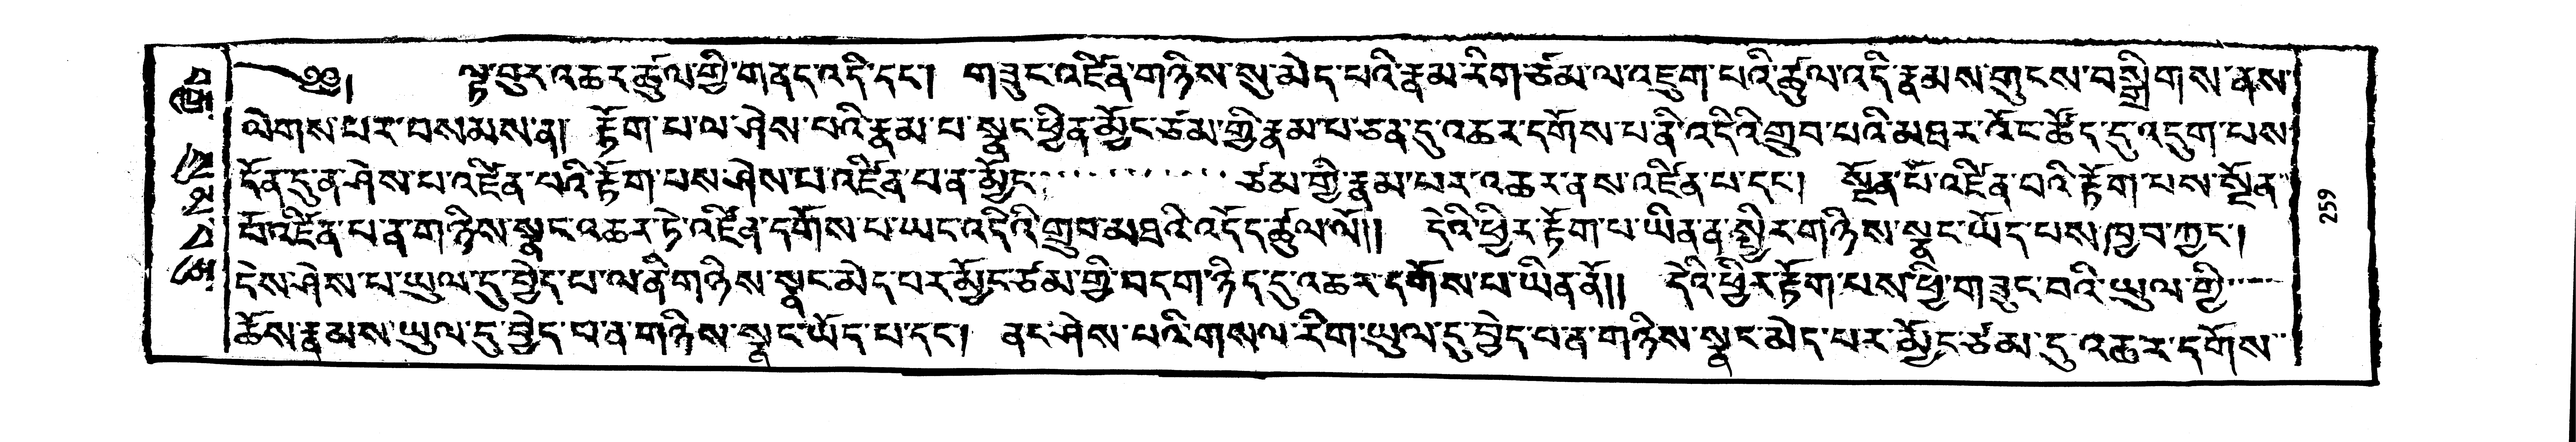༄༅། །ལྟ་བུར་འཆར་ཚུལ་གྱི་གནང་འདི་དང་། གཟུང་འཛིན་གཉིས་སུ་མེད་པའི་རྣམ་རིག་ཙམ་ལ་འཇུག་པའི་ཚུལ་འདི་རྣམས་གུངས་བསྒྲིགས་ནས་
ལེགས་པར་བསམས་ན། རྟོག་པ་ལ་ཤེས་པའི་རྣམ་པ་སྣང་ཕྱིན་མྱོང་ཙམ་གྱི་རྣམ་པ་ཅན་དུ་འཆར་དགོས་པ་ནི་འདིའི་གྲུབ་པའི་མཐར་འོང་ཚོད་དུ་འདུག་པས་
དོན་དུ་ན་ཤེས་པ་འཛིན་པའི་རྟོག་པས་ཤེས་པ་འཛིན་པ་ན་མྱོང་ཙམ་གྱི་རྣམ་པར་འཆར་ནས་འཛིན་པ་དང་། སྔོན་པོ་འཛིན་པའི་རྟོག་པས་སྔོན་
པོ་འཛིན་པ་ན་གཉིས་སྣང་འཆར་ཏེ་འཛིན་དགོས་པ་ཡང་འདིའི་གྲུབ་མཐའི་འདོད་ཚུལ་ལོ། །དེའི་ཕྱིར་རྟོག་པ་ཡིན་ན་སྤྱིར་གཉིས་སྣང་ཡོད་པས་ཁྱབ་ཀྱང་།
དེས་ཤེས་པ་ཡུལ་དུ་བྱེད་པ་ལ་ནི་གཉིས་སྣང་མེད་པར་མྱོང་ཙམ་གྱི་བདག་ཉིད་དུ་འཆར་དགོས་པ་ཡིན་ནོ། །དེའི་ཕྱིར་རྟོག་པས་ཕྱི་གཟུང་བའི་ཡུལ་གྱི་
ཆོས་རྣམས་ཡུལ་དུ་བྱེད་པ་ན་གཉིས་སྣང་ཡོད་པ་དང་། ནང་ཤེས་པའི་གསལ་རིག་ཡུལ་དུ་བྱེད་པ་ན་གཉིས་སྣང་མེད་པར་མྱོང་ཙམ་དུ་འཆར་དགོས་